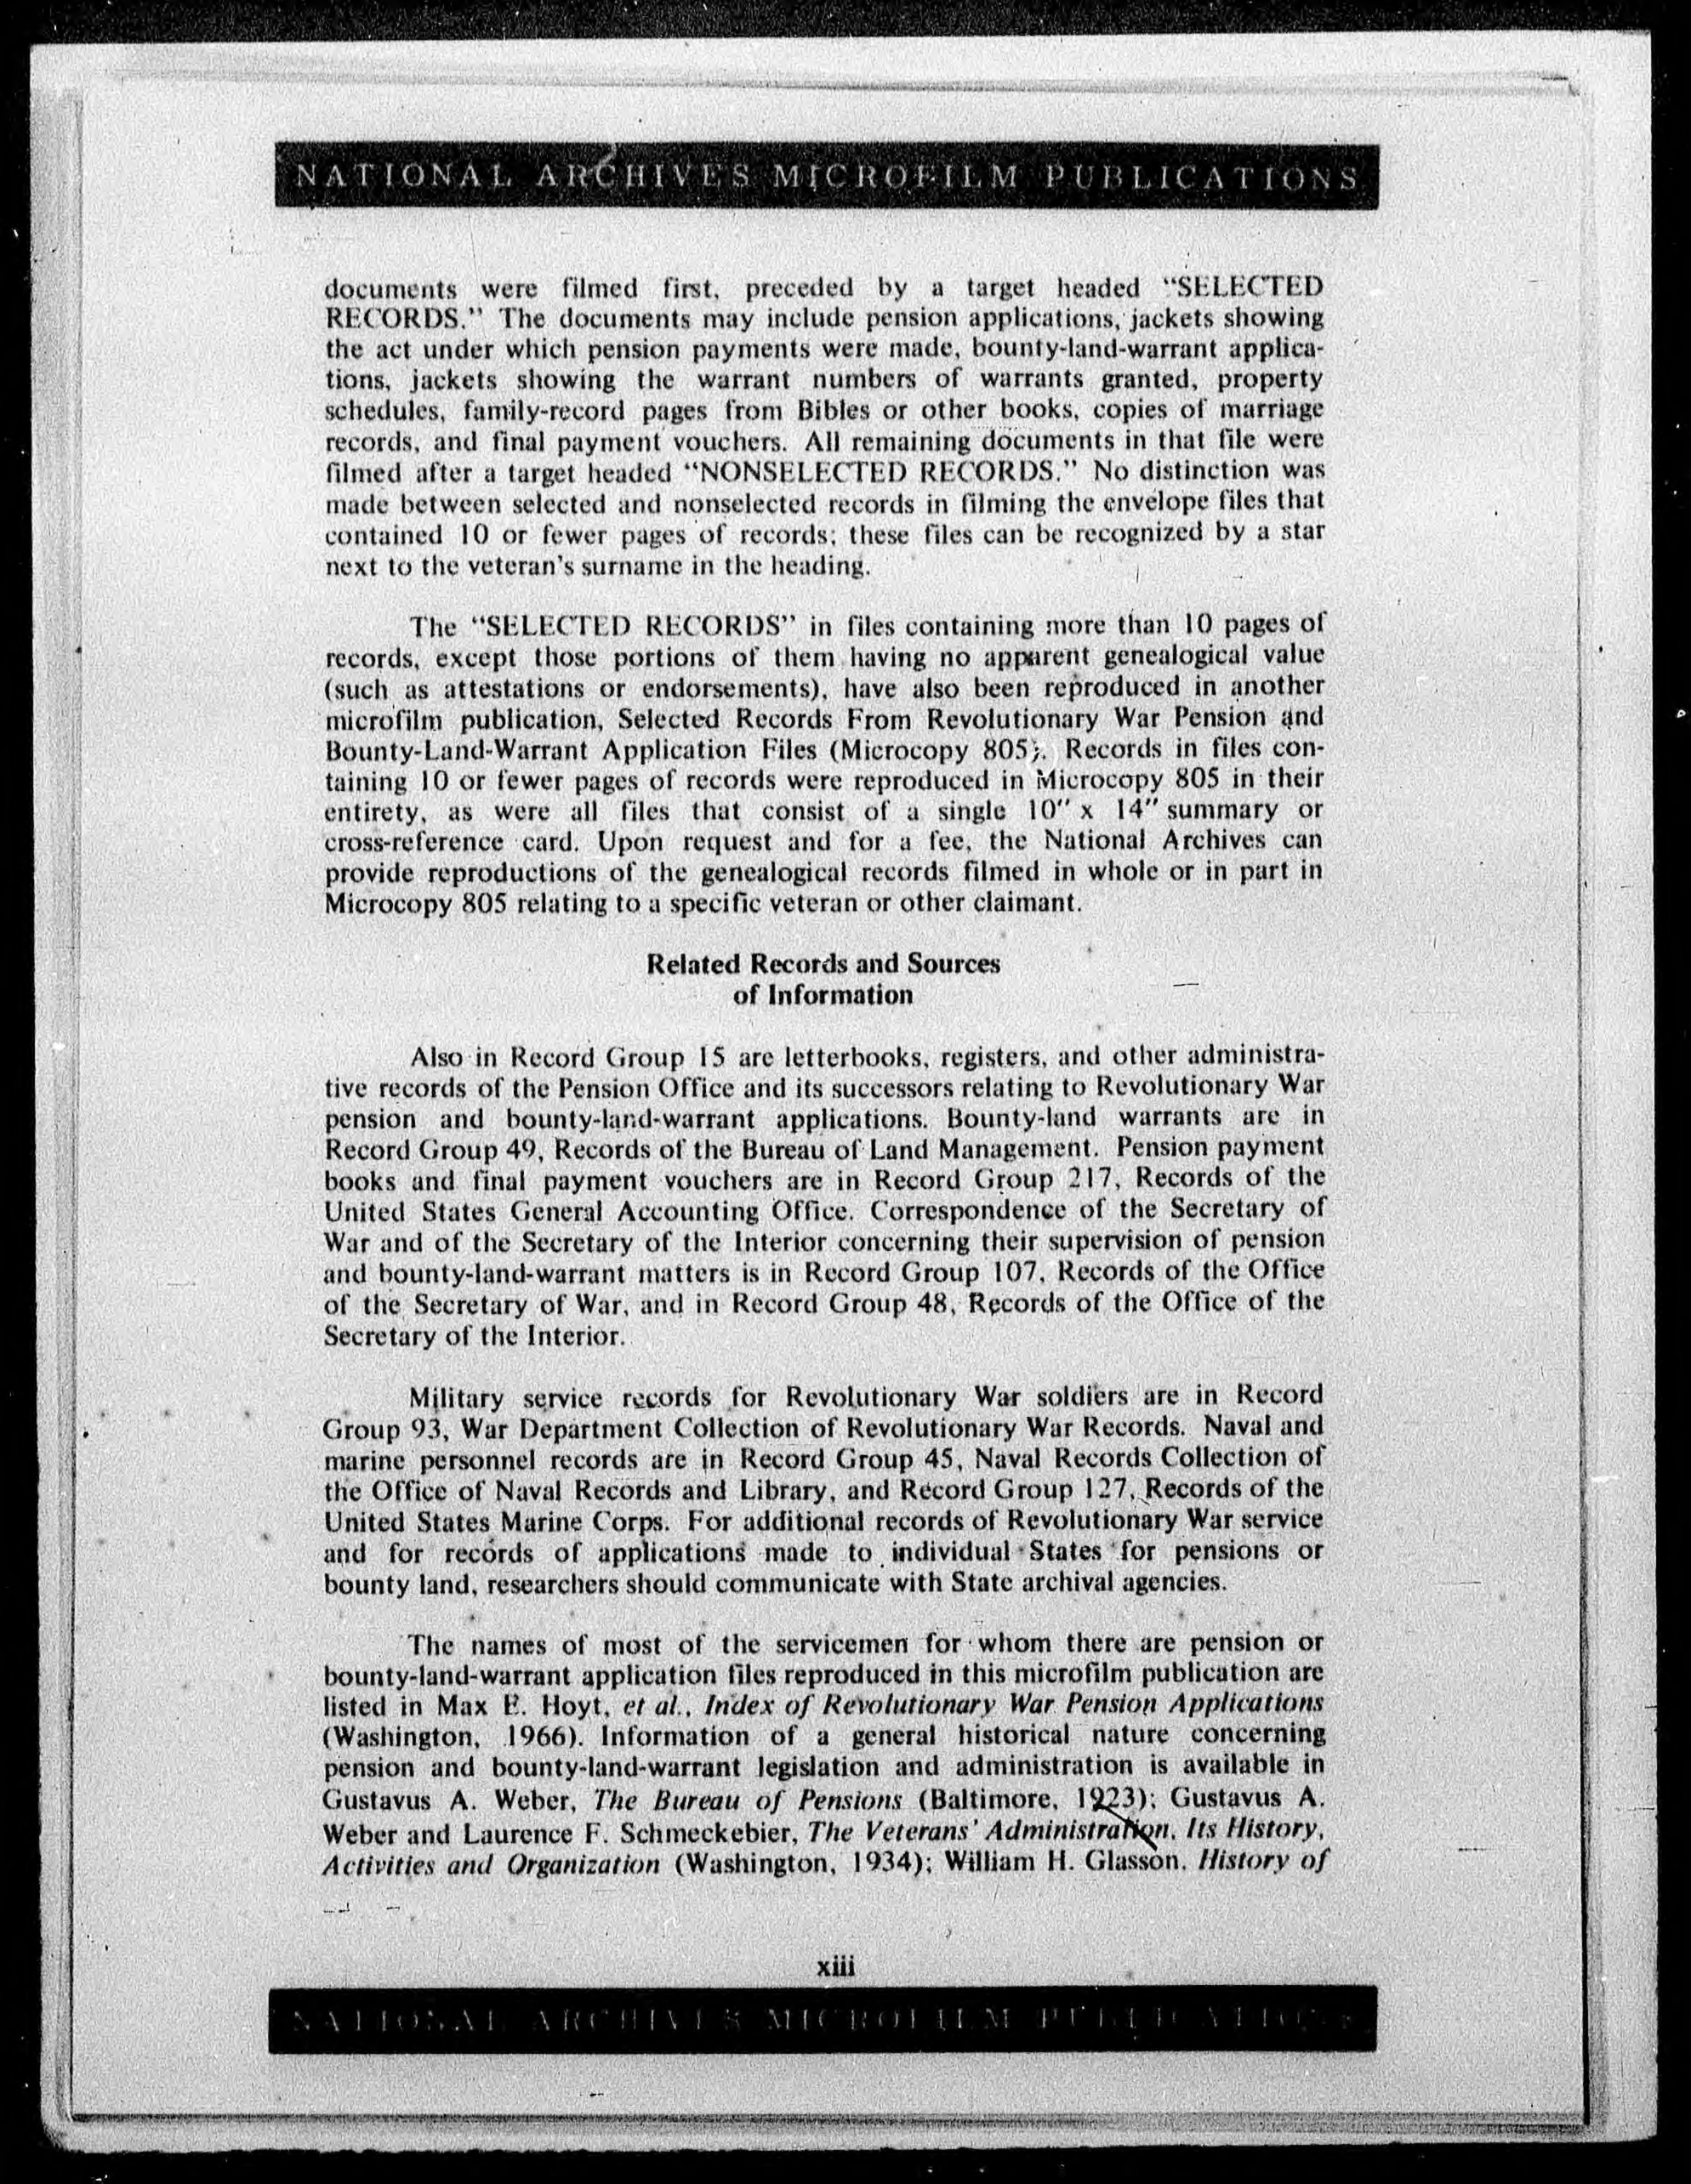documents were filmed first, preceded by a target headed "SELECTED REDORDS." The documents mat include pension applications, jackets showing the act under which pension payments were made, bounty-land-warrant applications, jackets showing the warrant numbers of warrants granted, property schedules, family-record pages from the Bibles or other books, copies of marriage records, and final payment vouchers. All remaining documents in that file were filmed after a target headed "NONSELECTED RECORDS." No distinction was made between selected and nonselected records in filming the envelope files that contained 10 or fewer pages of records; these files can be recognized by a star next to the veteran's surname in the heading.
The "SELECTED RECORDS" in files containing more than 10 pages of records, except those portions of them having no apparent genealogical value (such as attestations or endorsements), have also been reproduced in another microfilm publication, Selected Records From Revolutionary War Pension and Bounty-Land-Warrant Application Files (Microcopy 805). Records in files containing 10 or fewer pages of records were reproduced in Microcopy 805 in their entirety, as were all files that consisted of a single 10" x 14" summary or cross-reference card. Upon request and for a fee, the National Archives can provide reproductions of the genealogical records filmed in a whole or in part in Microcopy 805 relating to a specific veteran or other claimant.
Related Records and Sources of Information
Also in Record Group 15 are letterbooks, registers, and other administrative records of the Pension Office and its successors relating to Revolutionary War pension and bounty-land-warrant applications. Bounty-land warrants are in Record Group 49, Records of the Bureau of Land Management. Pension payment books and final payment vouchers are in Record Group 217, Records of the United States General Accounting office. Correspondence of the Secretary of War and of the Secretary of the Interior concerning their supervision of pension and bounty-land-warrant matters is in Record Group 107, Records of the Office of the Secretary of War, and in Record Group 48, Records of the Office of the Secretary of the Interior.
Military service records for Revolutionary War soldiers are in Record Group 93, War Department Collection of Revolutionary War Records. Naval and marine personnel records are in Record Group 45, Naval Records Collection of the Office of Naval Records and Library, and Record Group 127, Records of the United States Marine Corps. For additional records of Revolutionary War service and for records of applications made to individual States for pensions or bounty land, researchers should communicate with State archival agencies.
The names of most of the servicemen for whom there are pension or bounty-land-warrant application files reproduced in this microfilm publication are listed in Max E. Hoyt, et al., [italicized]'Index of Revolutionary War Pension Applications'(Washington, 1966). Information of a general historical nature concerning pension and bounty-land-warrant legislation and administration is available in Gustavus A. Weber, [italicized]'The Bureau of Pensions'(Balitmore, 1923); Gustavus A. Weber and Laurence F. Schmeckebier, [italicized]'The Veterans' Administration, Its History, Activities and Organization' (Washington, 1934); William H. Glasson, [italicized] 'History of'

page: 12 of 59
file: Revolutionary War Pension and Bounty Land Warrant Application File